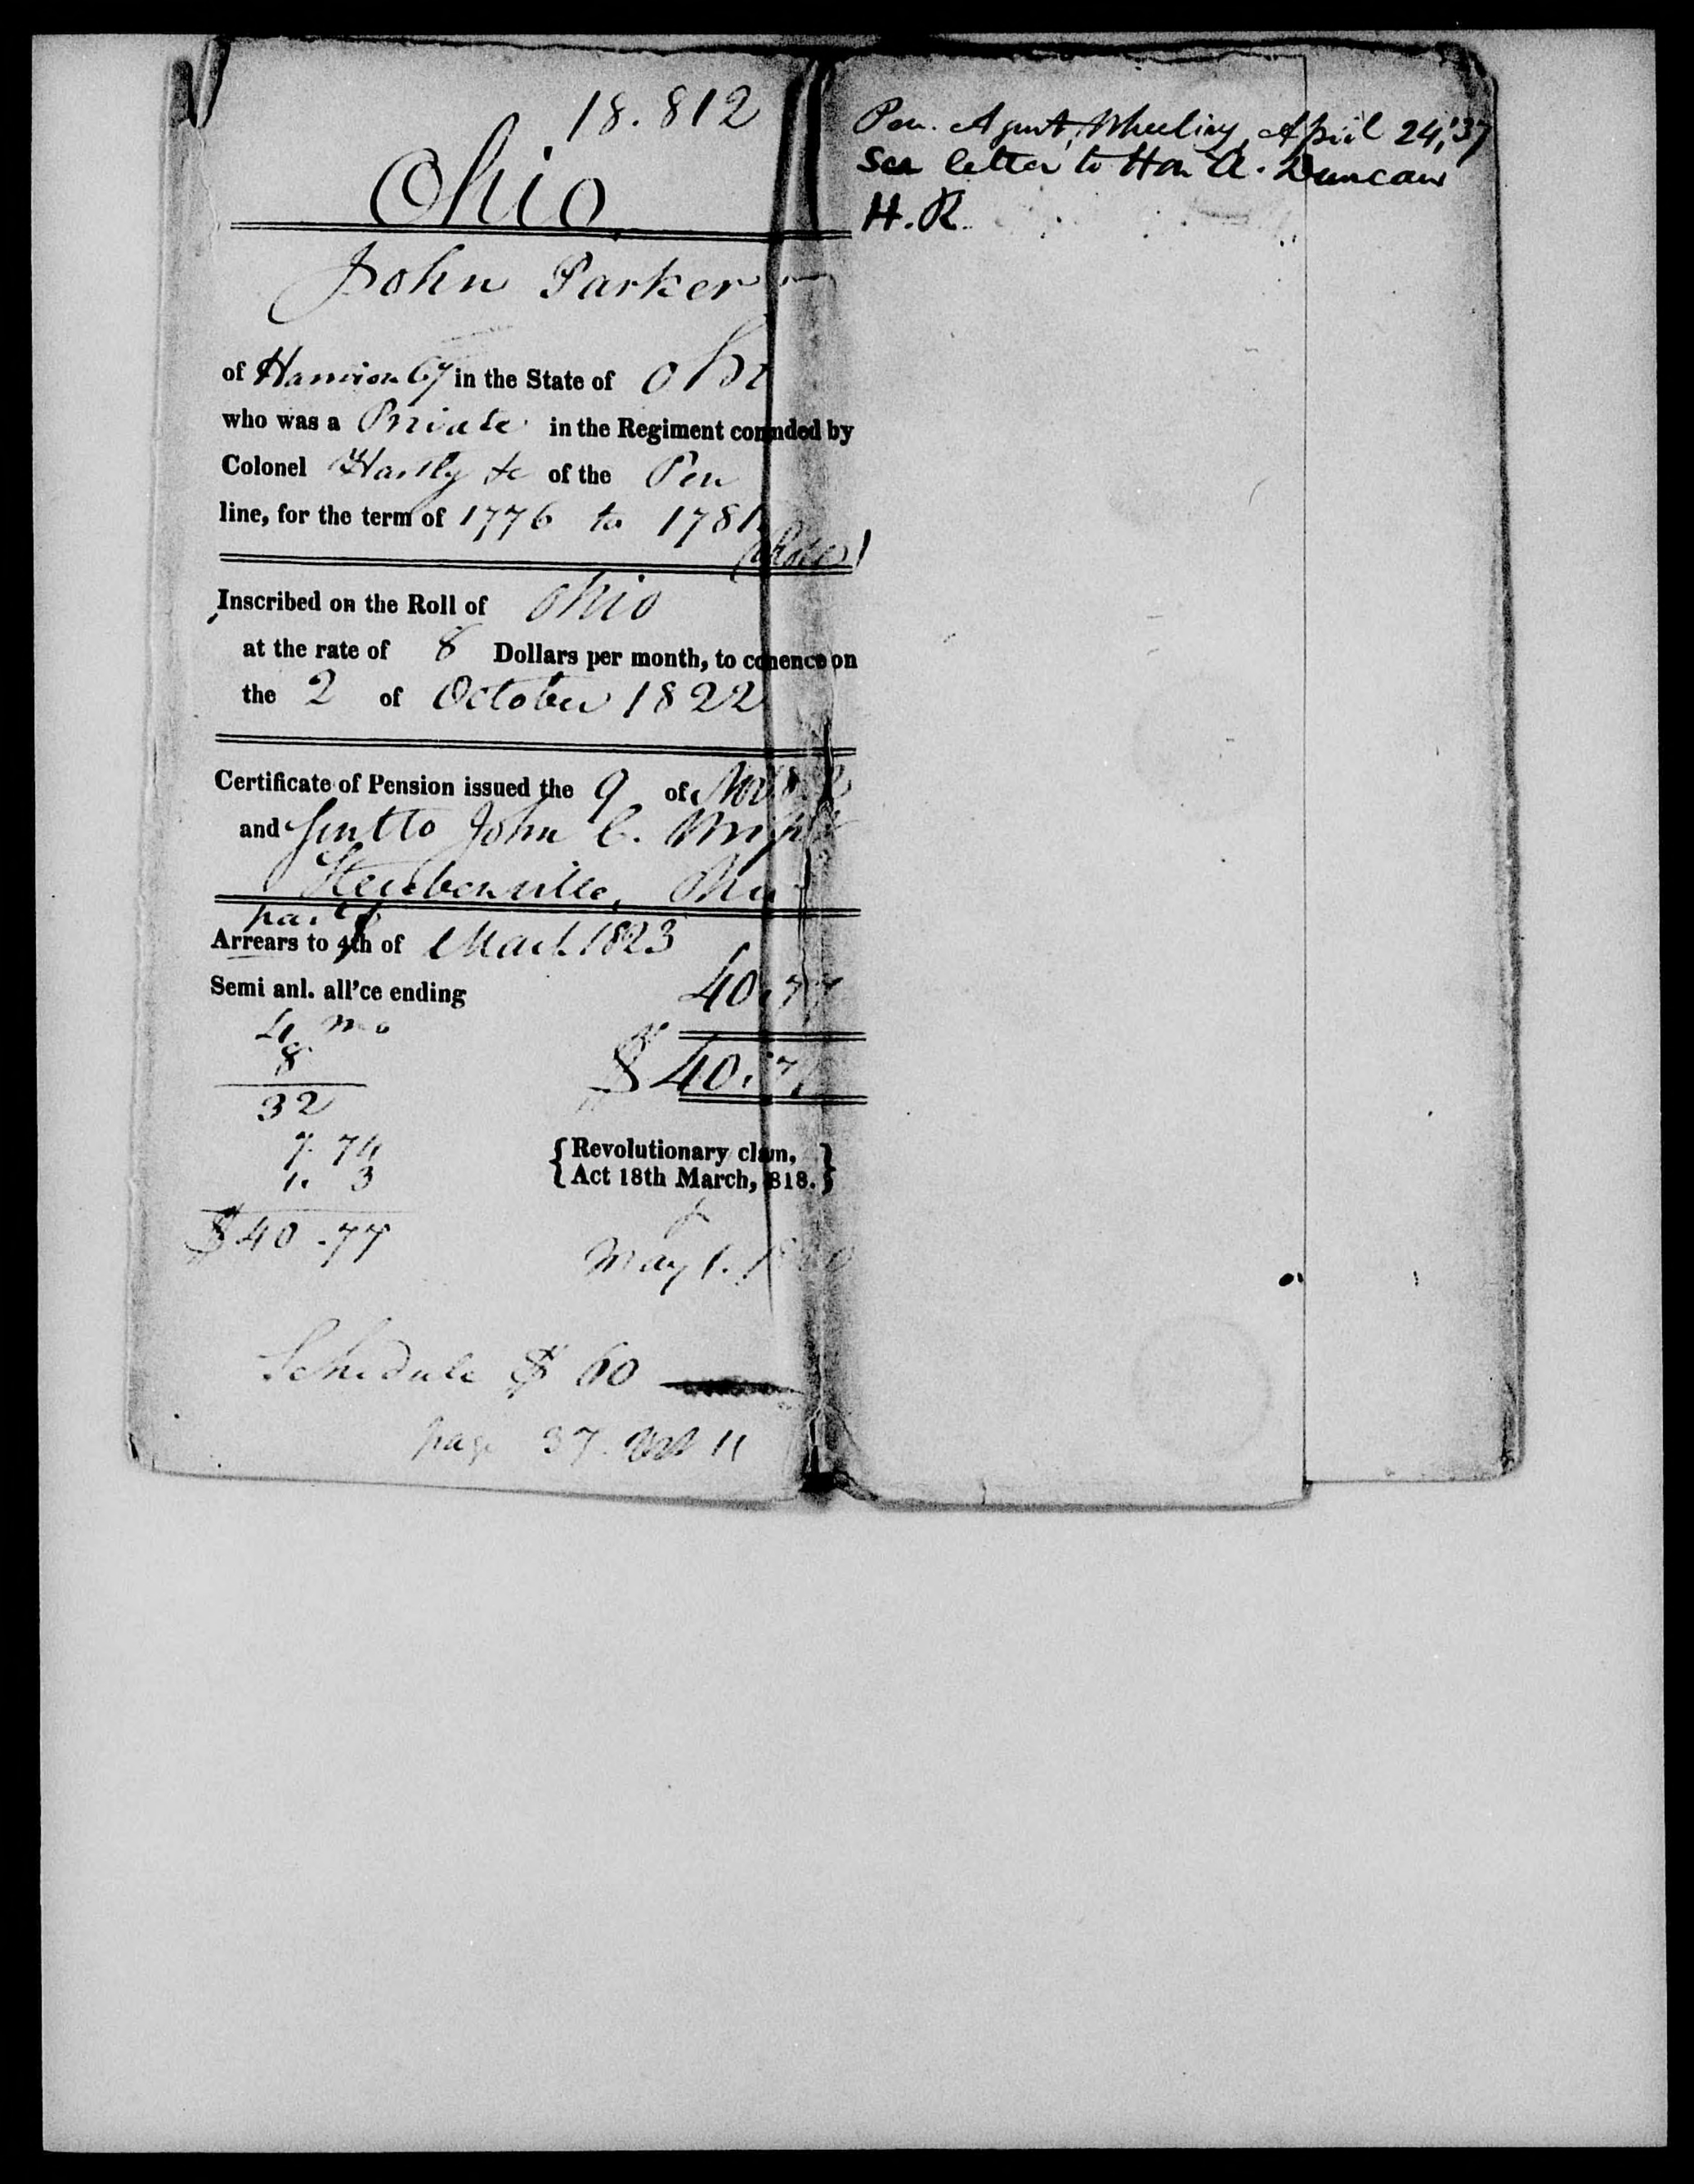[Left side of image]
18.812
Ohio

John Parker of Harrison Co. in the State of Ohio who was a Private in the Regiment commanded by Colonel Hartly , &c. of the Pen. line, for the term of 1776 to 1781 (Rev.)

Inscribed on the Roll of Ohio at the rate of 8 Dollars per month, to commence the 2 of October 1822.

Certificate of Pension issued the 9 of Nov [illegible] and sent to to John C. Wright Steubenville, Ohio.

Arrears to 4th of March 1823  40.77
Semi anl'ce ending [blank]
$40.77
{Revolutionary claim, Act 18th March, 1818.}
[The following are hand written notes]
4 mo
8
___
32
7.74
1.03
_____
$40.77
May 11Schedule $60
Page 37 Vol. 11

[Right side of image]
Pen. Agent, Wheeling, April 24, '37
See letter to Hon. A. Duncan
H.R.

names: John Parker; A Duncan; [BLANK] Hartly; John C Wright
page: 2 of 40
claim: widow's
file: W. 3,588, for John Parker, Pennsylvania